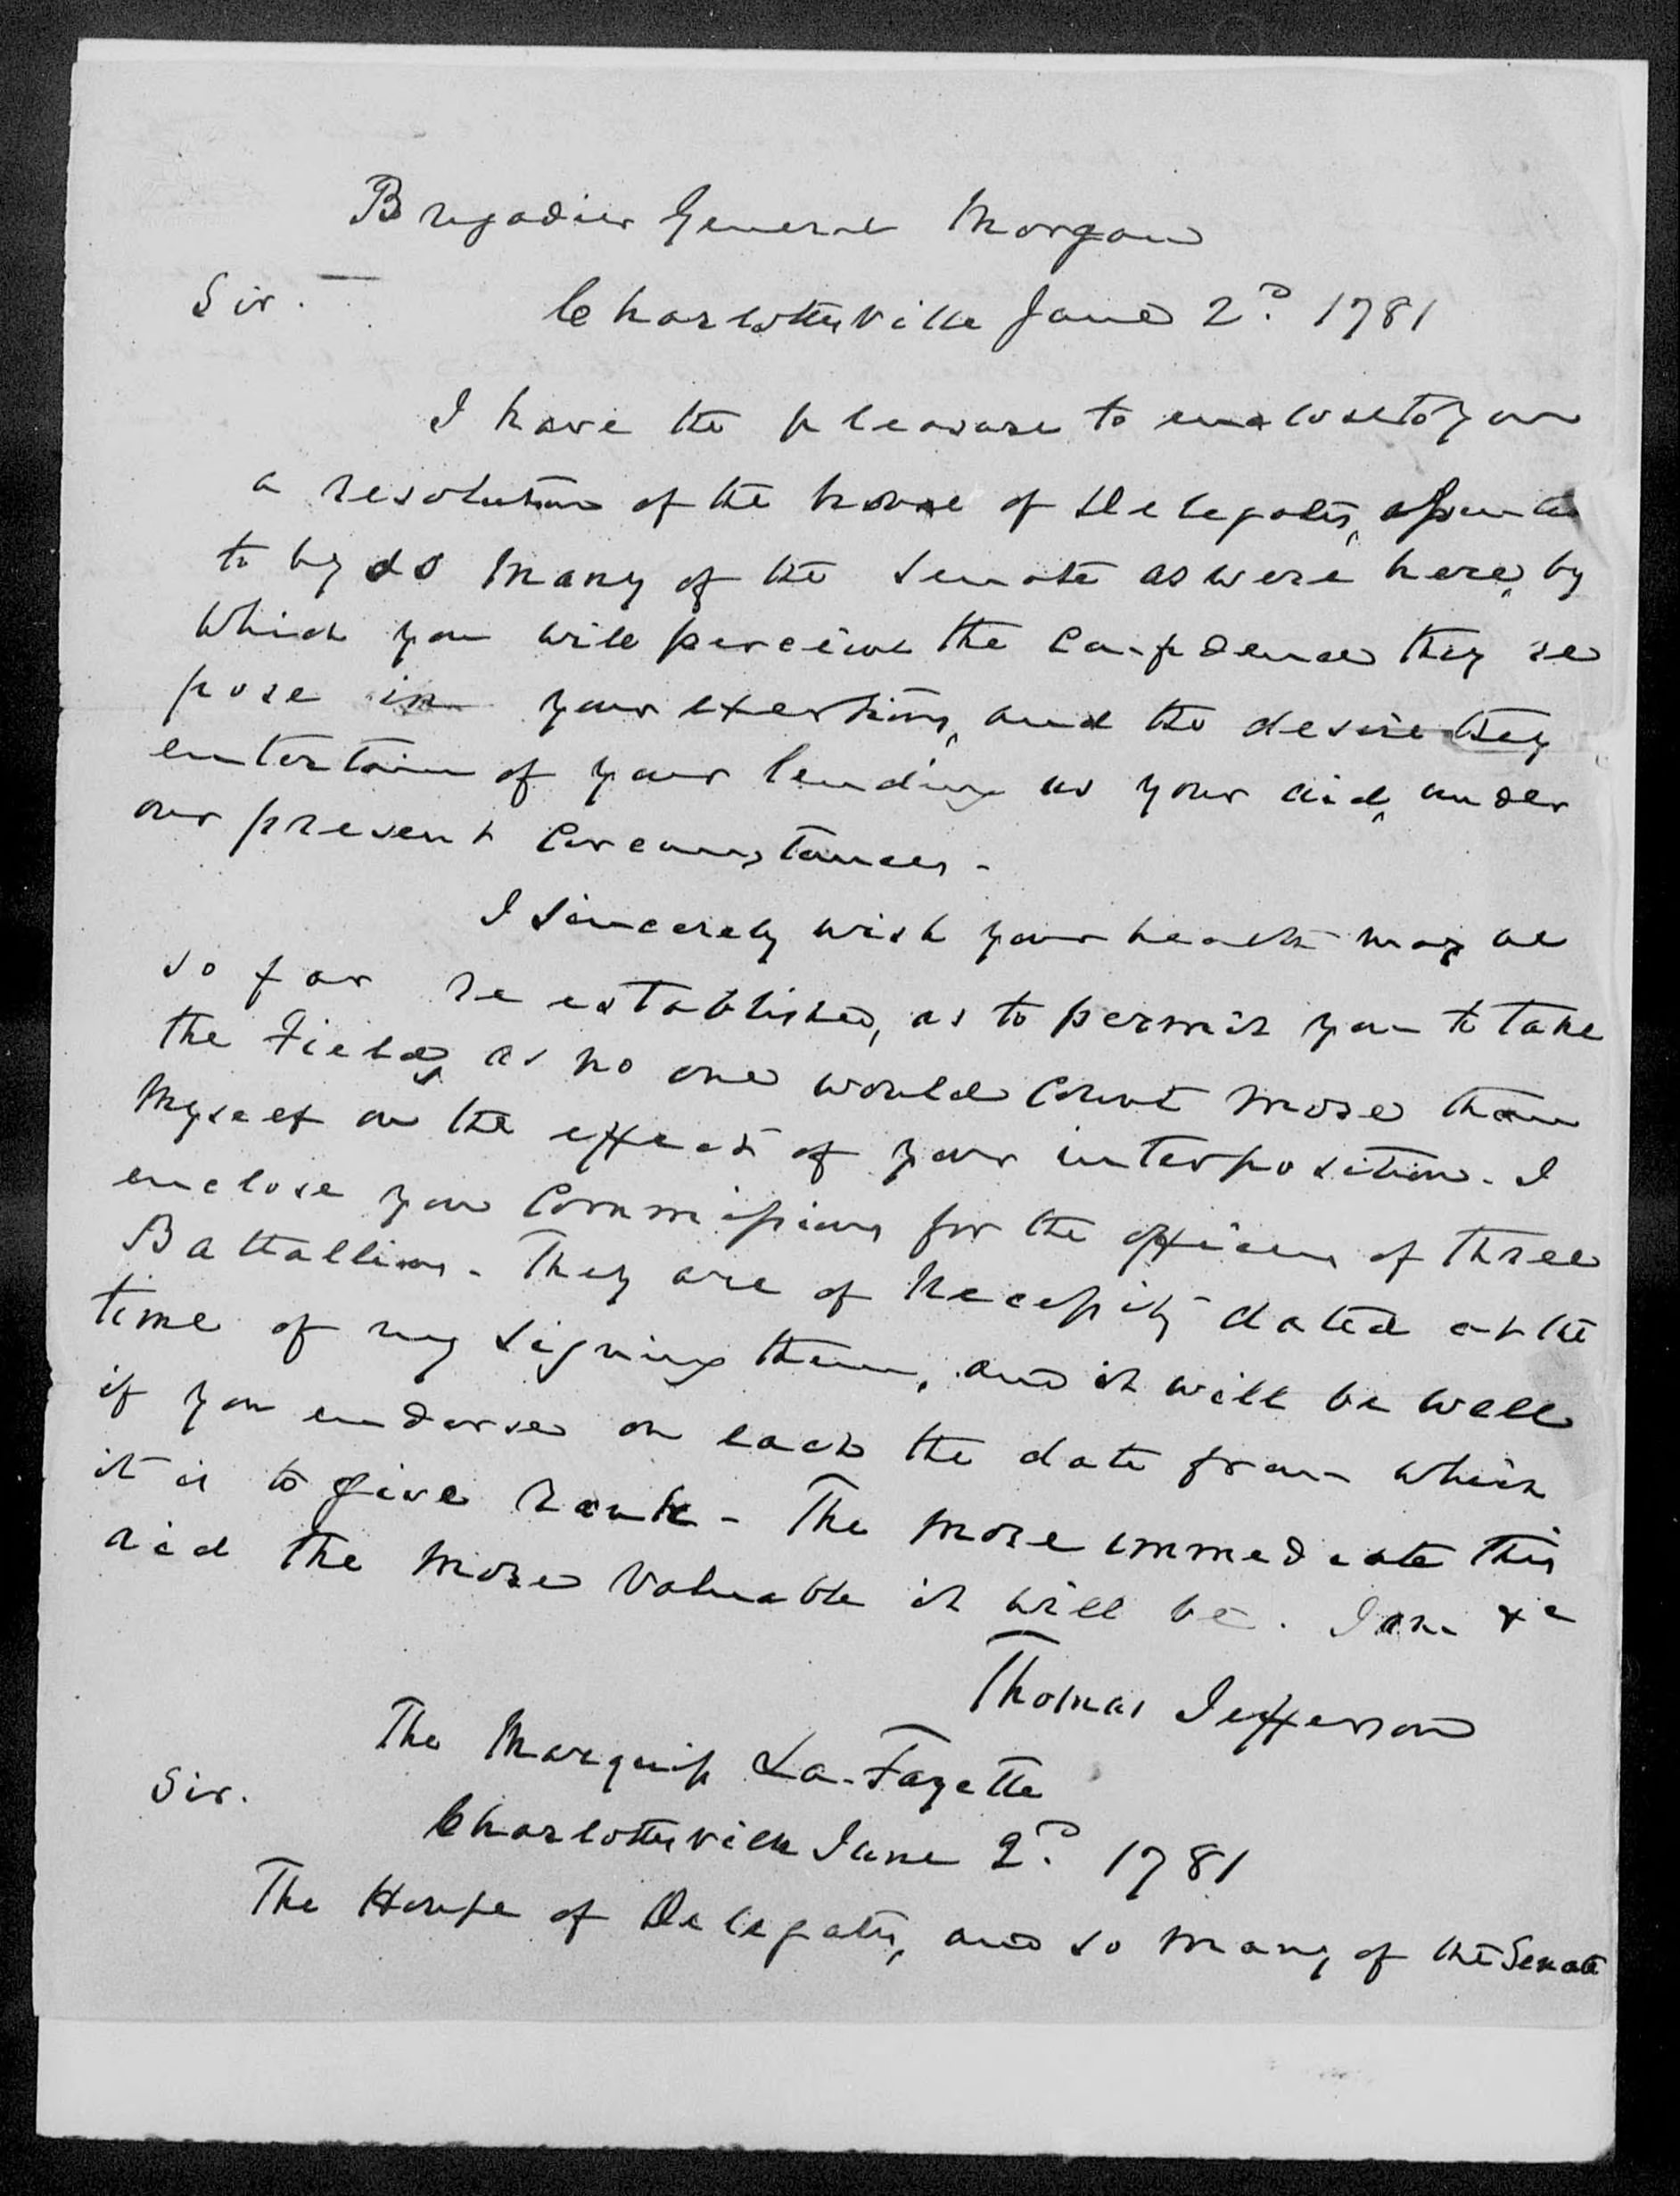Brigadier General Morgan
Charlottesville June 2d. 1781
Sir.
I have the pleasure to enclose to you a resolution of the house of Delegates, assented to by as many of the Senate as were here, by which you will perceive the confidence they repose in your exertions, and the desire they entertain of your lending us you're aid under our present circumstances.
I sincerely wish your health may be so far re established , as to permit you to take the field, as no one would count more than myself on the effect of your interposition. I enclose you Commissions for the officers of three Battallions. They are of Necessity dated after time of my signing them, and it will be well if you endorse on each the date from which it is to give rank -  The more immediate this aid the more valuable it will be. I am +c {et cetera]
Thomas Jefferson [signature]

The Marquis La_Fayette
Charlottesville June 2nd. 1781
Sir.
The House of Delegates, and so many of the Senate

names: Thomas Jefferson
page: 113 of 267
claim: widow's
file: W. 4,149, William Campbell, Va.